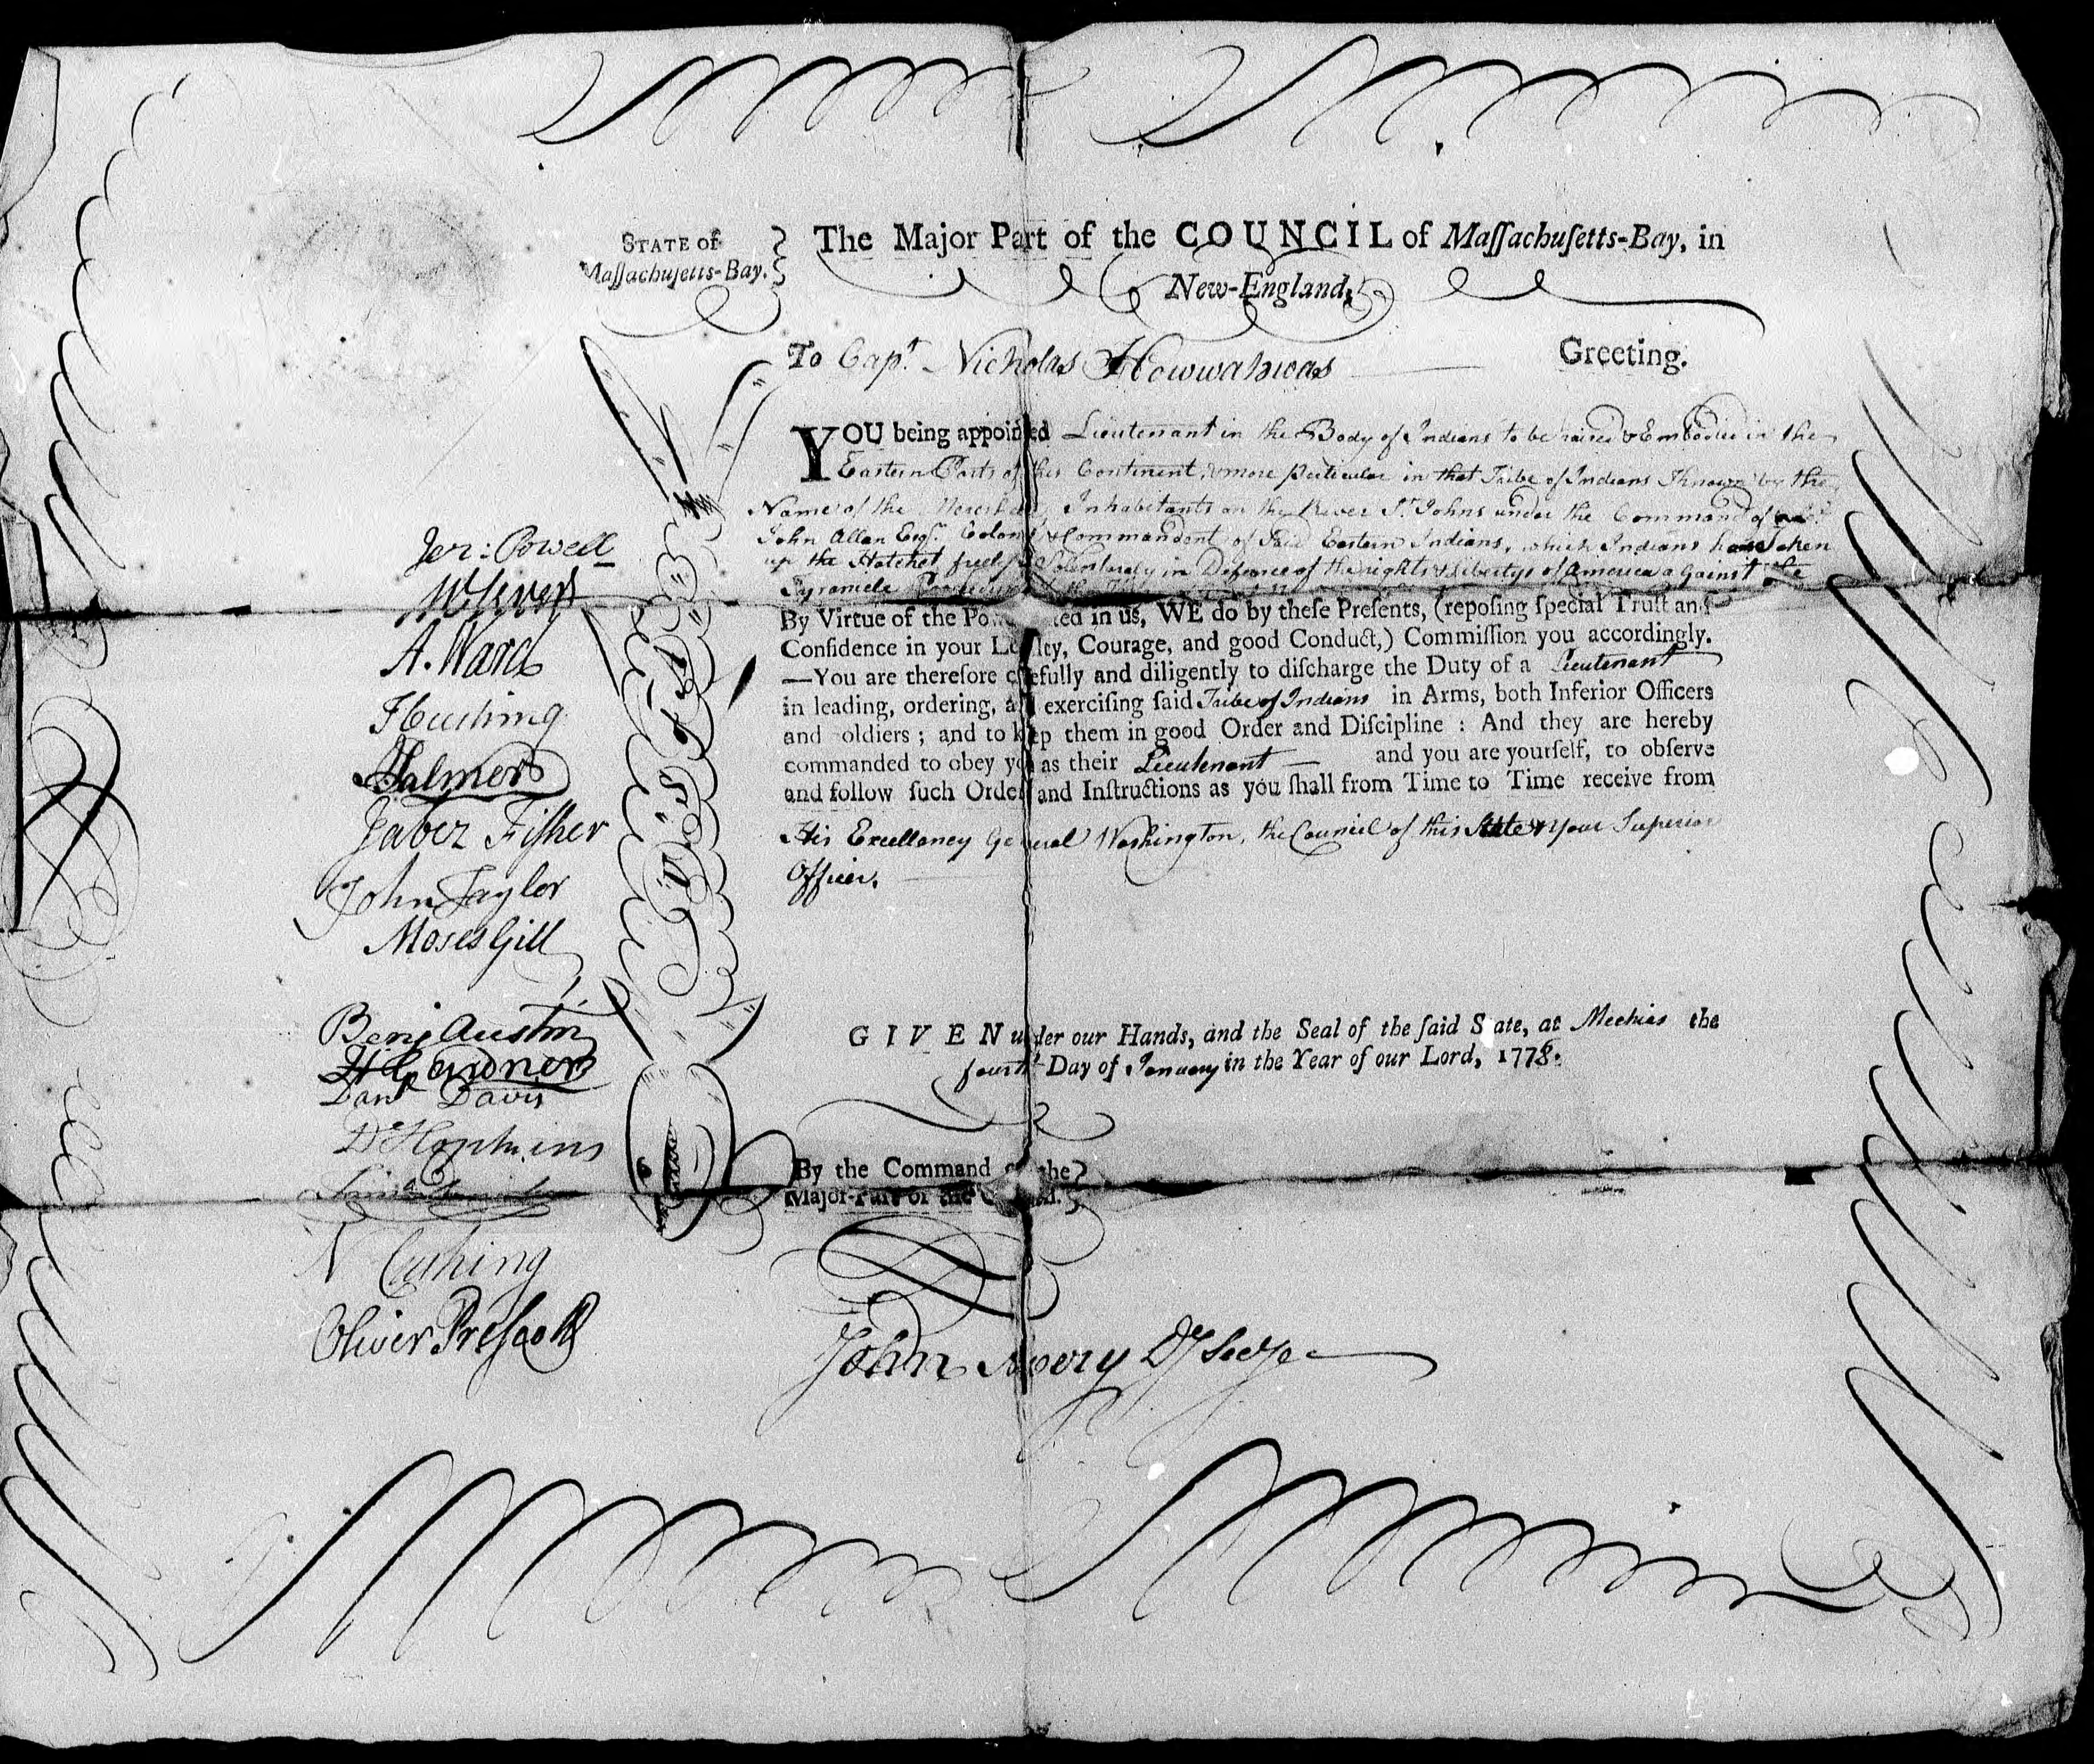State of Massachusetts-Bay
The Major Part of the COUNCIL of Massachusetts-Bay, in New-England
To Capt. Nicholas Hawwawas Greeting

You being appointed [handwritten] Lieutenant in the Body of Indians to be raised and embodied in the Eastern Parts of the Continent and more particular in that Tribe of Indians [illegible] the Name of the [illegible] Inhabitants [illegible] Johns under the Command of John Allan [illegible] of [illegible] Eastern Indians, which Indians [illegible] the Hatchet [illegible] in Defence of [illegible] liberty, of America against the [illegible]

By Virtue of the [illegible] in us, WE do by these Presents (reposing special Trust and Confidence in your [illegible] Courage, and good Conduct,) Commission you accordingly.  - You are therefore [illegible] and diligently to discharge the Duty of a Lieutenant in leading, ordering [illegible] exercising said Tribe of Indians in Arms, both Inferior Officers and soldiers; and to keep them in good Order and Discipline : And they are hereby commanded to obey y[ou] as their Lieutenant and you are yourself, to observe and follow such Order and Instructions as you shall from Time to Time receive from His Excellancy General Washington, the council of this letter your Superior Officer,

GIVEN under our Hands, and the Seal of the said State, at [illegible] the fourth Day of January in the Year of our Lord, 1778.

By the Command of the
Major [illegible]
[signed] John Avery [illegible]

[a further 15 signatures appear along the left hand side of the document]
Jer Powell
[illegible]
A. Ward
[illegible]
[illegible]
Jabez Fisher
John Taylor
Moses Gill
[illegible]
H Gardner
Danl Davis
D [illegible]
[illegible]
N [illegible]
Oliver Prescott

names: D Hopkins, John Allan, Timo Christian, Jabez Fisher, Danl Davis, John Taylor, Oliver Prescott, Moses Gill, Jer Powell, W Given, H Gardner, John Avery, J Palmer, I Cushing, A Ward, Benj Austin, Nicholas Howwahwas, N Cushing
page: 52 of 52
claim: survivor's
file: S 17997, Nicholas Hawwawas, Mass.